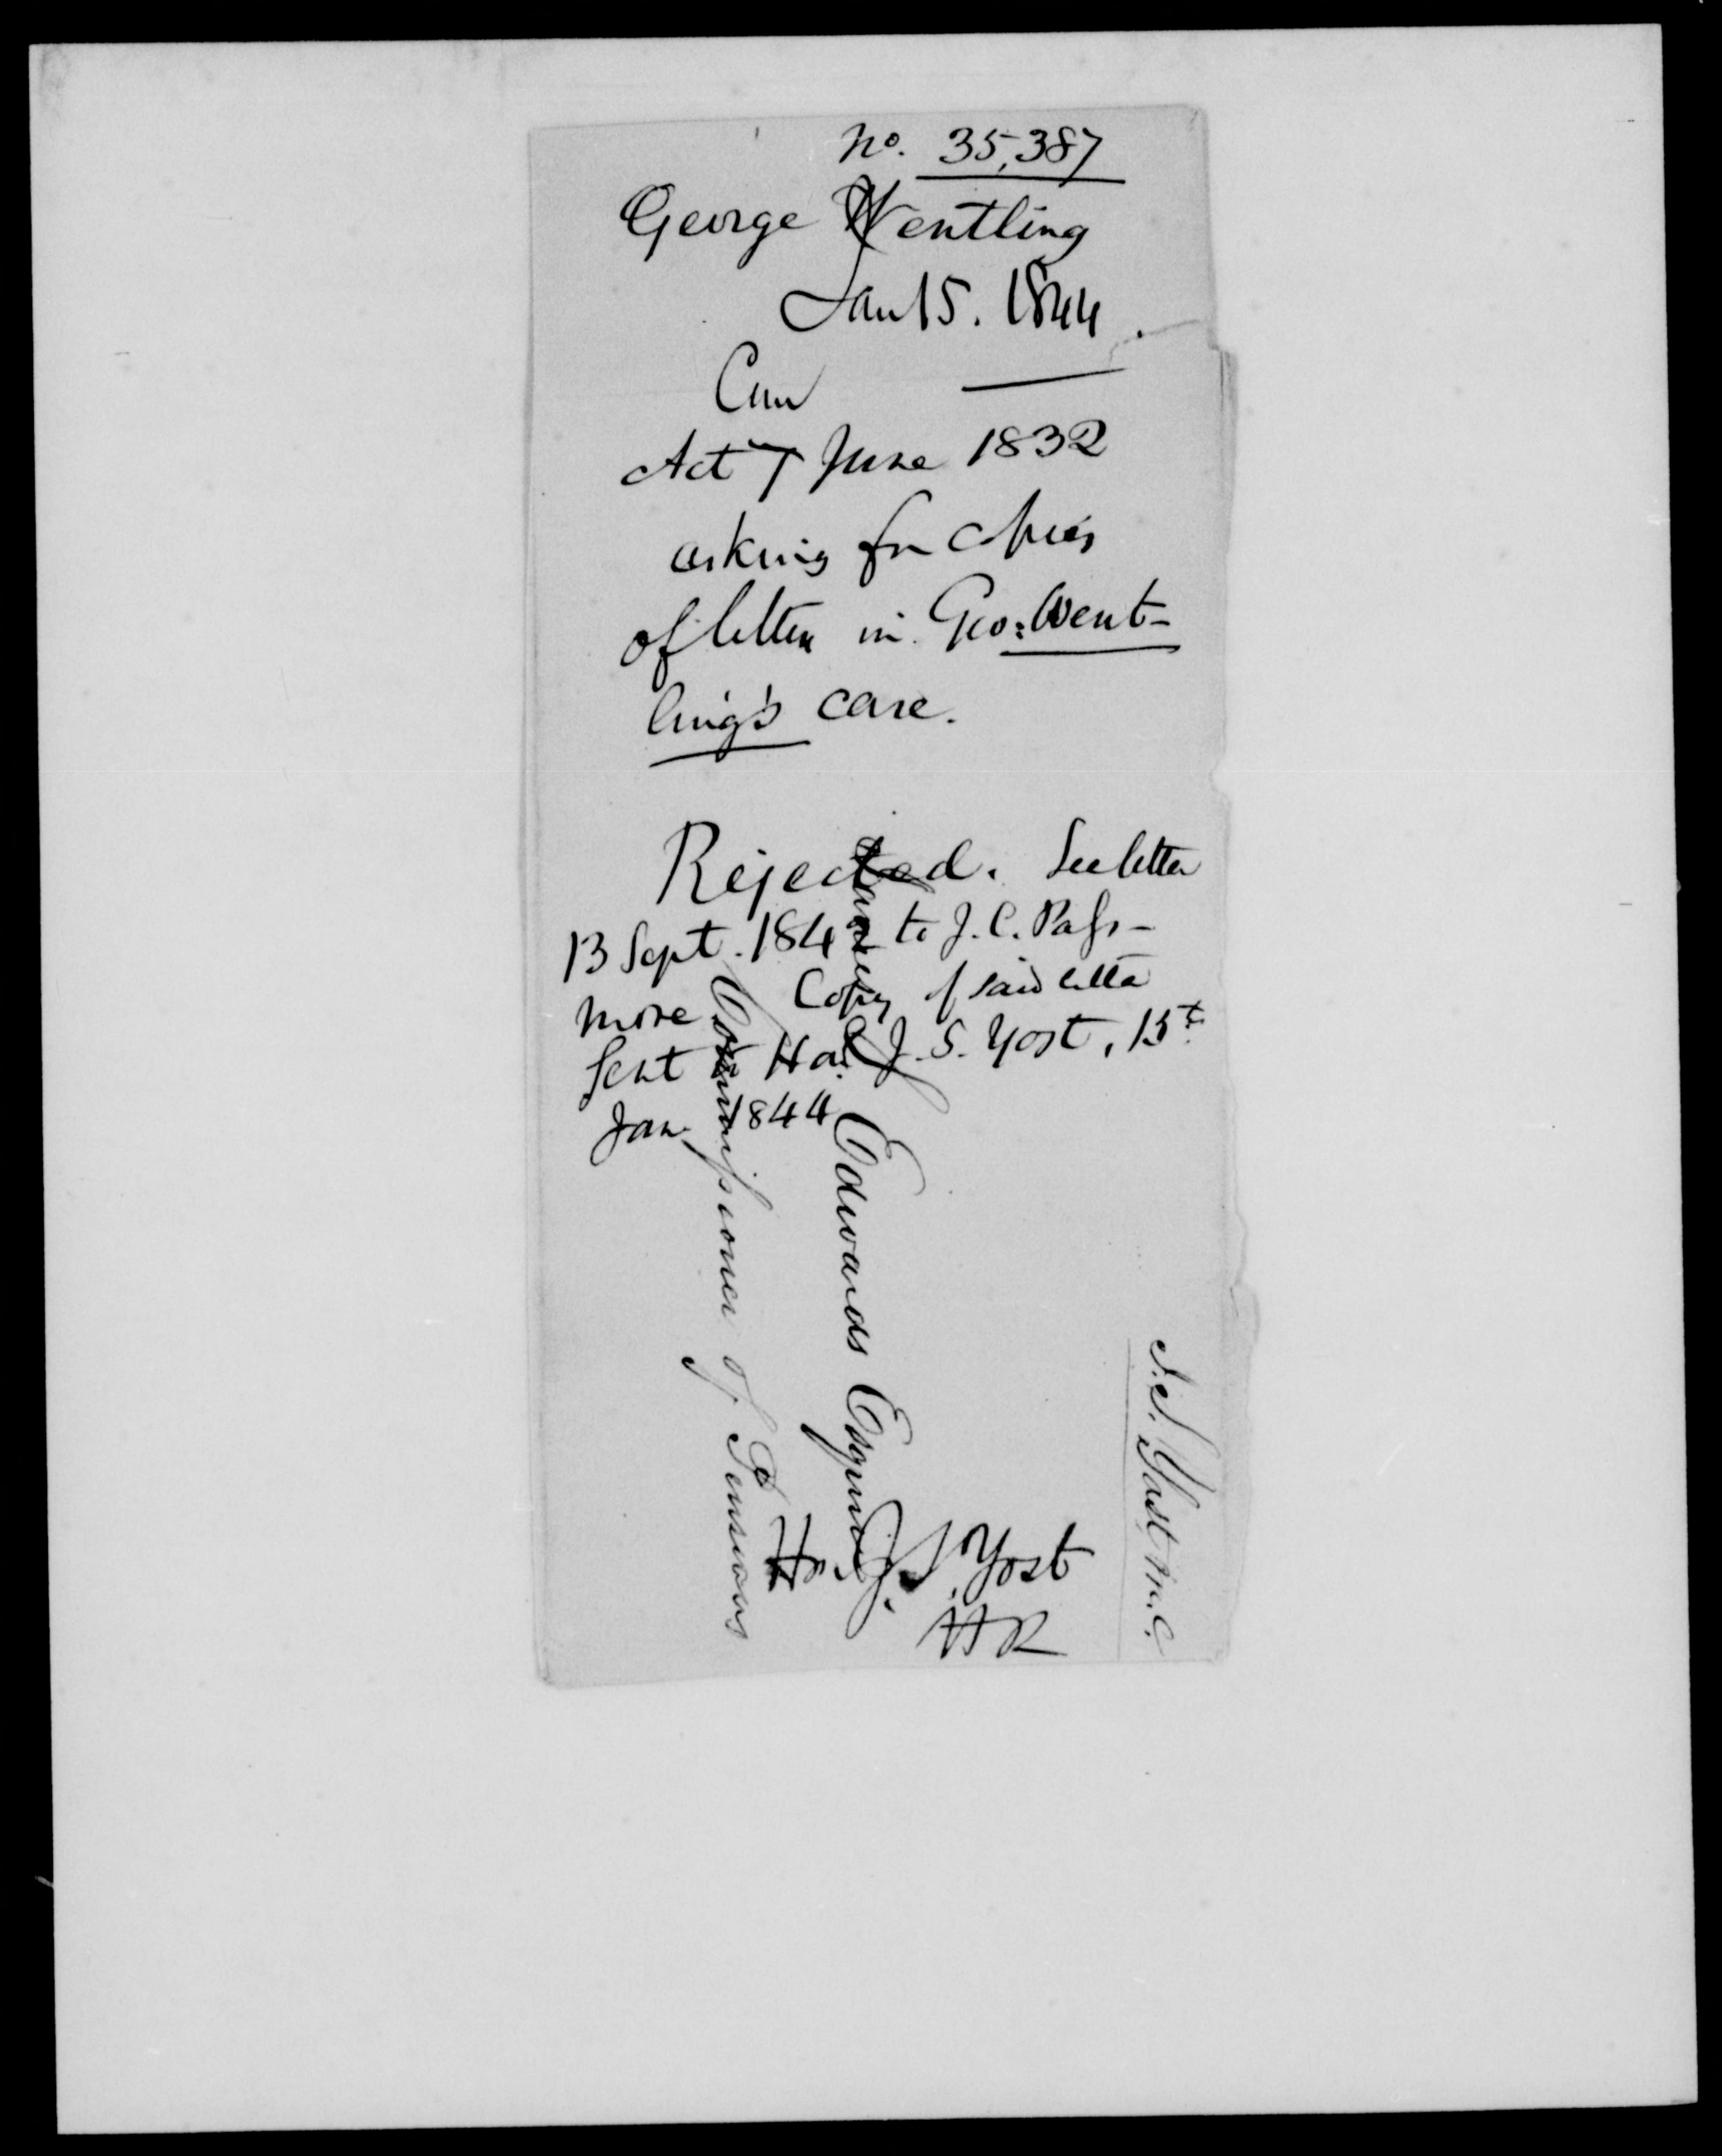No. 35,387
        ------
George Wentling
Jan 5. 1844.

Con
Act  7 June 1832
asking for copies of letters in Geo. Wentling case.

Rejected. See letter 13 Sept. 1842 to J. C. Passmore Copy of said letter sent to Hon. J. S. Yost, 15th Jan 1844

Hon J. S. Yost
MR

[Written vertically]

J. S. Yost M. C.

J. L. Edwards Esquire

Commissioner of Pensions.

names: J S Yost, James L Edwards, George Wentling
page: 17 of 68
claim: survivor's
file: S. 6,358, George Wentling, Penn.